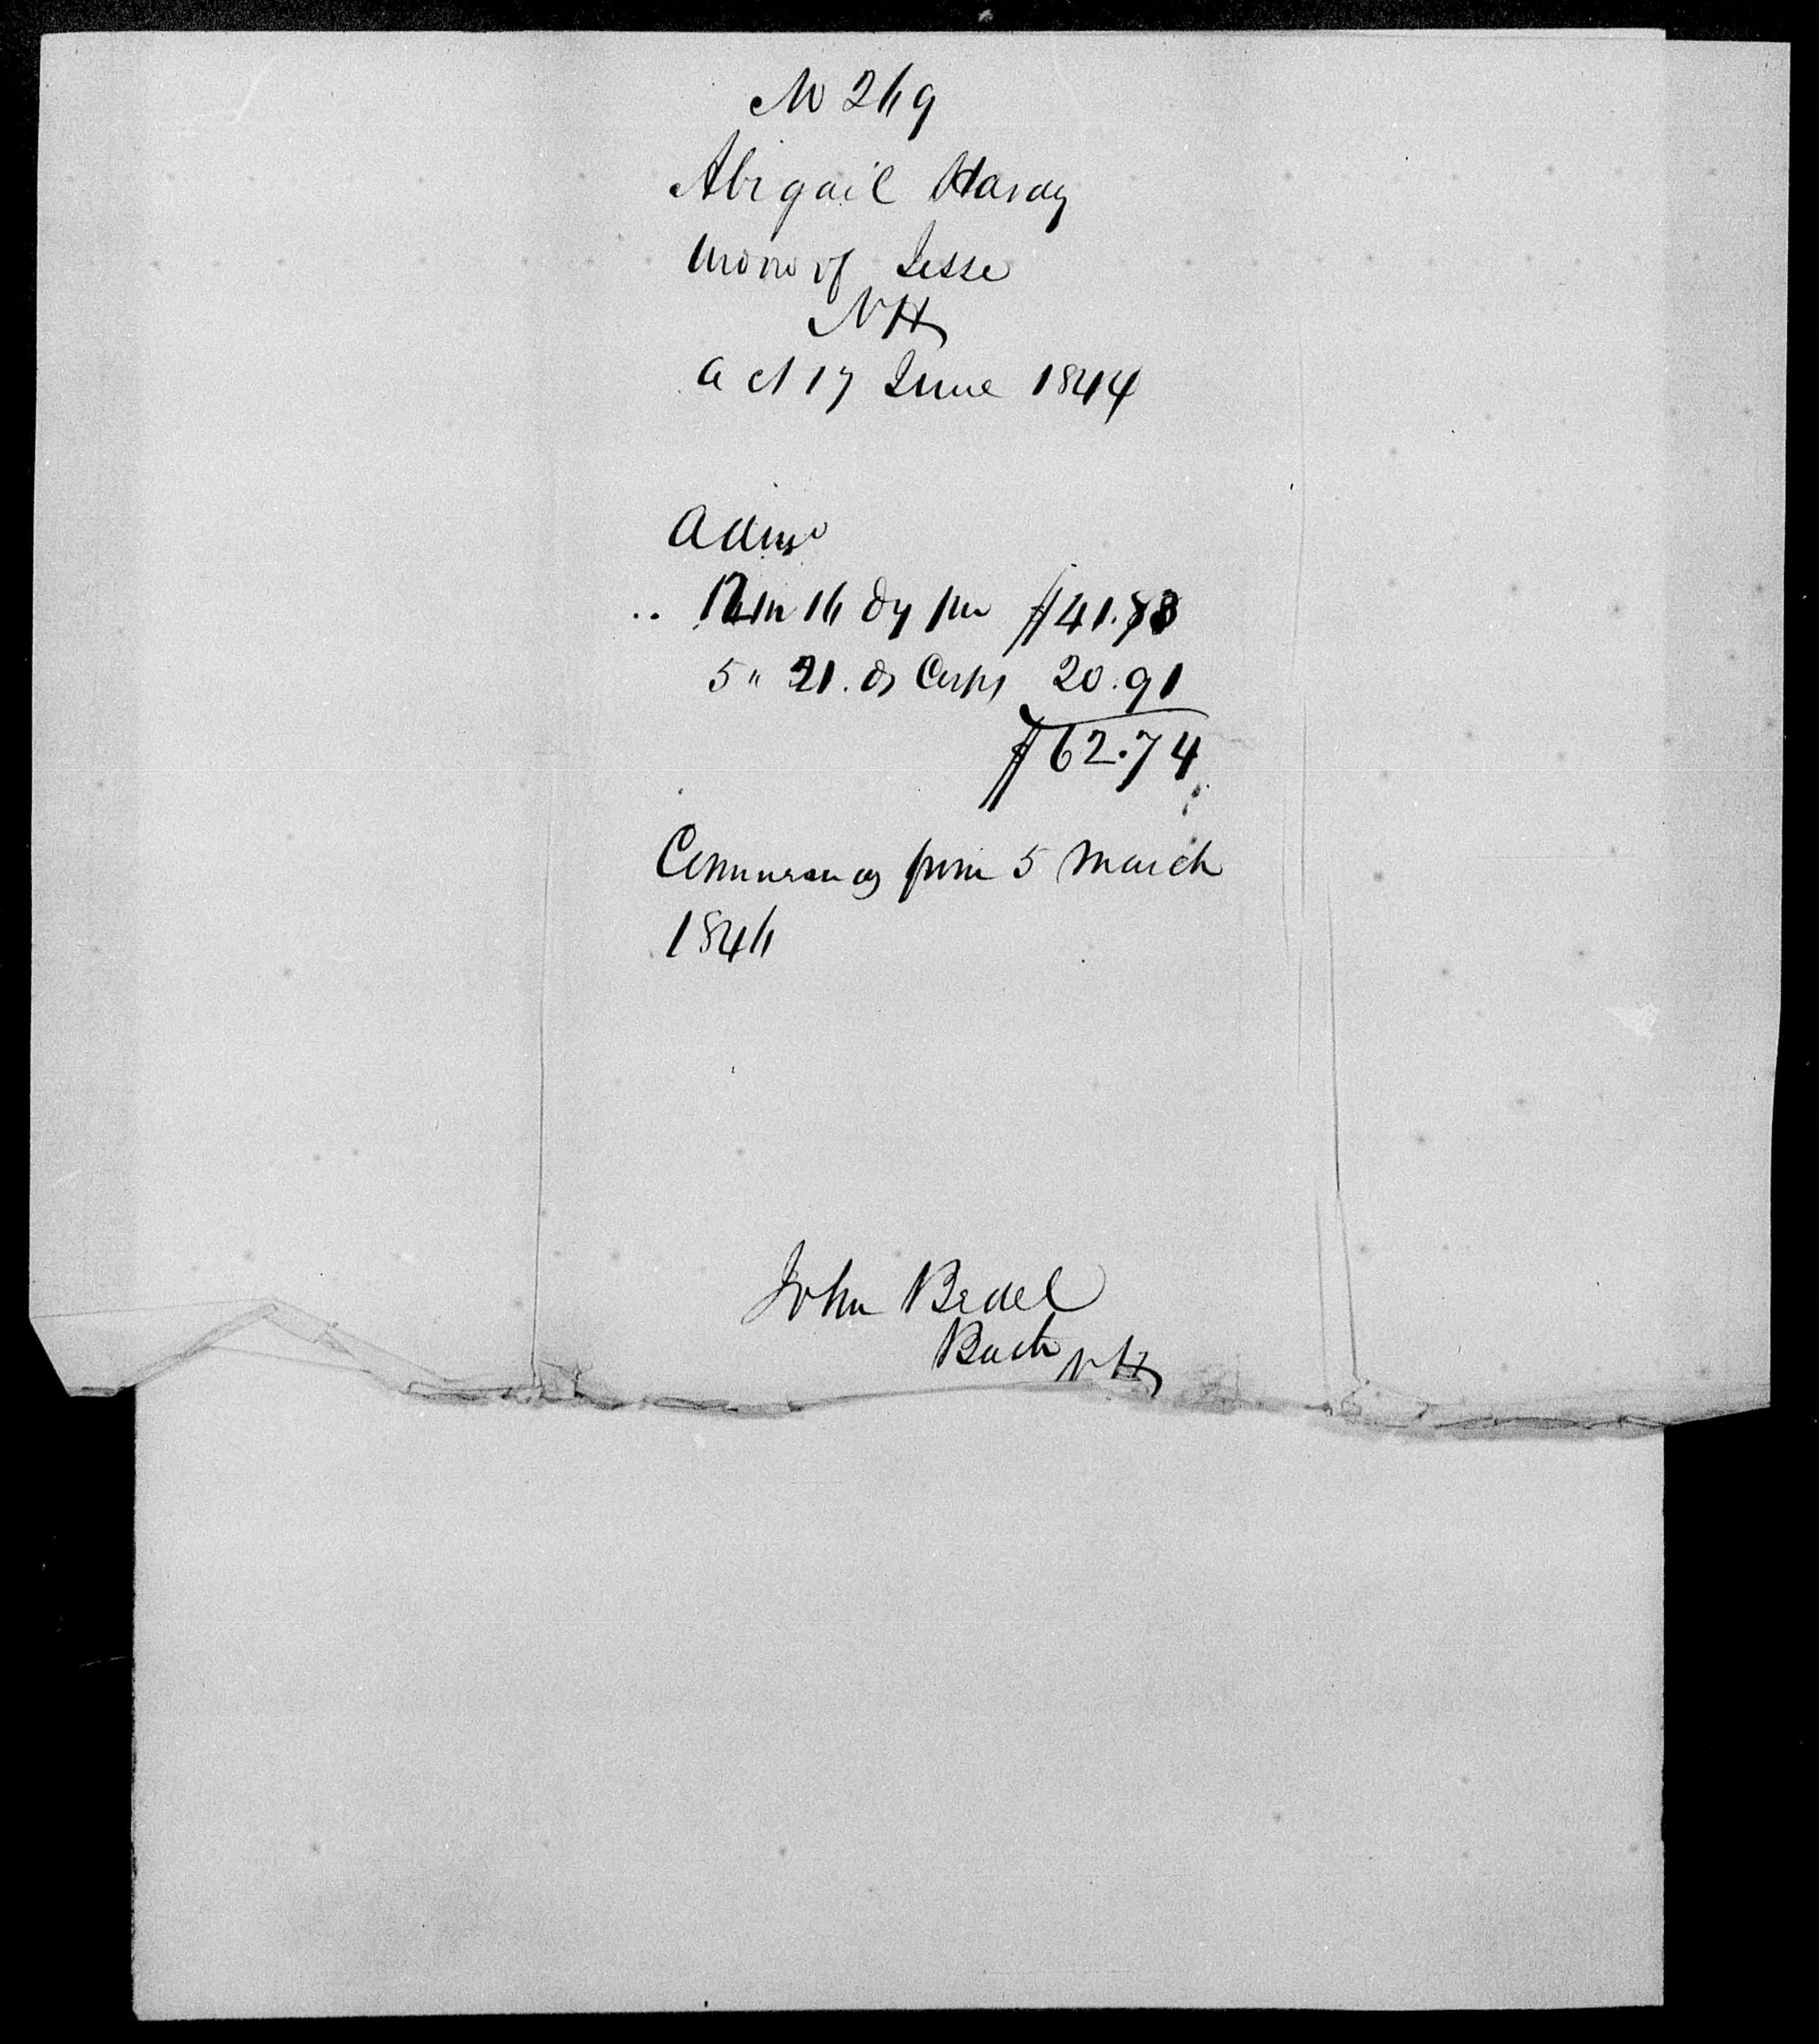No 269 Abigail Hardy widow of Jesse NH
Act 17 June 1844 
NH Allen 12 16 dy per $41.83 
5" 21. Corps 20.91 
$62.74 Coming from 5 March 1844 John Bedell Bath NH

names: John Bedel, Abigail Hardy, Jesse Hardy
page: 37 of 67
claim: widow's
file: W. 23183, Jesse Hardy, Mass.